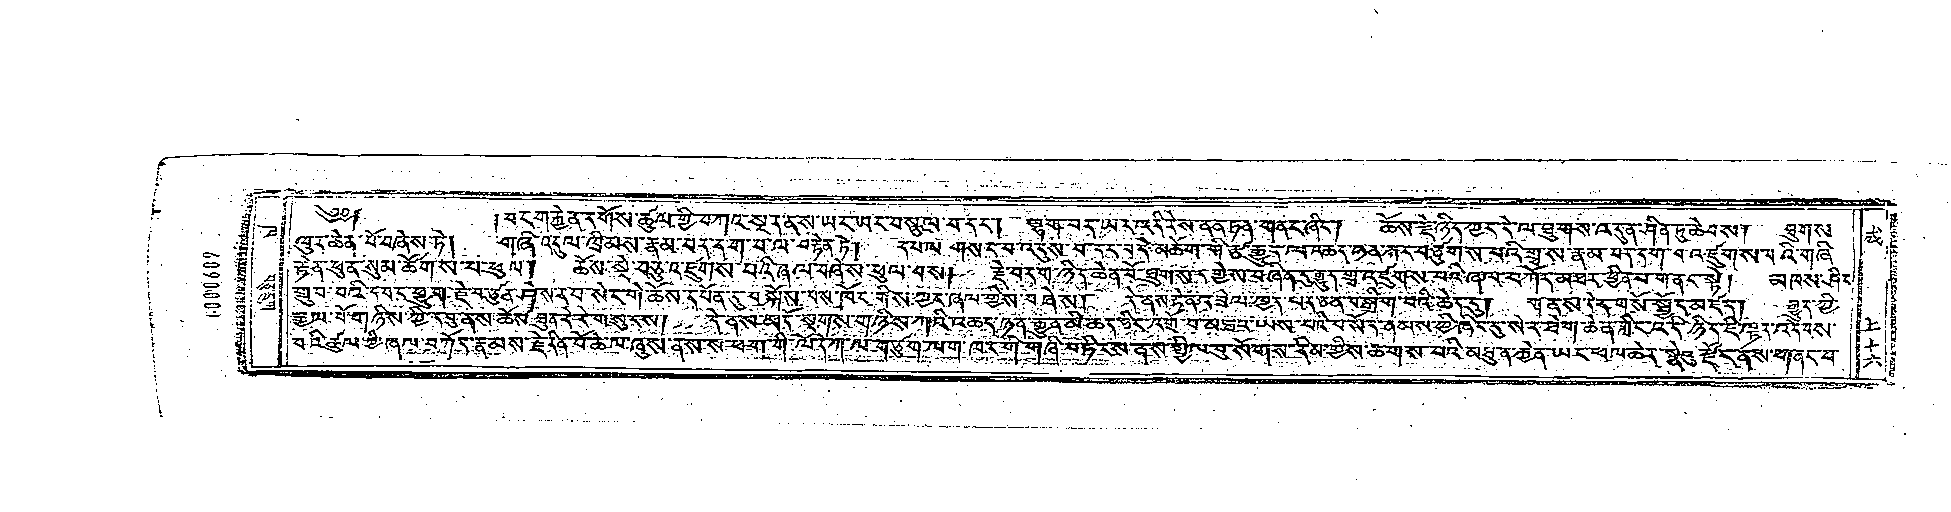༄༅། །བདག་རྐྱེན་དགོས་ཚུལ་གྱི་བཀའ་སྔར་ནས་ཡང་ཡང་བསྩལ་བ་དང་། ལྷག་པར་ཡང་འདི་རེས་ནན་ཏན་གནང་ཞིང་། ཚེས་རྗེ་ཉིད་ཀྱང་དེ་ལ་ཐུགས་འདུན་ཤིན་ཏུ་ཆེ་བས། ཐུགས་
ཁུར་ཆེན་པོ་བཞེས་ཏེ། གཞི་འདུལ་ཁྲིམས་རྣམ་པར་དག་པ་ལ་བརྟེན་ཏེ། དཔལ་གསང་བ་འདུས་པ་དང་བདེ་མཆོག་གི་རྩ་རྒྱུད་ལ་འཆད་ཉན་རྐང་བཙུགས་པའི་གྲྭས་རྣམ་པར་དག་པ་འཛུགས་པའི་གཞི་
རྟེན་ཕུན་སུམ་ཚོགས་པ་ཕུལ། ཆོས་སྡེ་བཅུ་འཛུགས་པའི་ཞལ་བཞེས་ཕུལ་བས། རྗེ་བདག་ཉིད་ཆེན་པོ་ཐུགས་དགྱེས་བཞིན་དུ་རྒྱུད་གྲྭ་འཛུགས་པའི་ཞལ་བཀོད་མཐར་ཕྱིན་པ་གནང་སྟེ། མཁས་ཤིང་
གྲུབ་པའི་དབང་ཕྱུག་རྗེ་བཙུན་ཤེས་རབ་སེང་གེ་ཆོས་དཔོན་དུ་བསྐོས་པས་ཁོང་གིས་ཀྱང་ཞལ་གྱིས་བཞེས། དེ་ནས་རྟེན་འབྲེལ་ཁྱད་པར་ཅན་བསྒྲིག་པའི་ཆེད་དུ། གནས་དེར་གསོ་སྦྱོང་མཛད། རྒྱུད་ཀྱི་
རྒྱལ་པོ་གཉིས་ཀྱི་དབུ་ནས་ཆོས་ཐུན་རེ་རེ་གསུངས། དེ་ནས་མདོ་སྔགས་གཉིས་ཀའི་འཆད་ཉན་རྒྱུན་མི་ཆད་ཅིང་འགྲོ་བ་མཐའ་ཡས་པའི་བསོད་ནམས་ཀྱི་ཞིང་དུ་སེ་ར་ཐེག་ཆེན་གླིང་འདི་ཉིད་ཇི་ལྟར་འདེབས་
བའི་ཚུལ་གྱི་ཞལ་བཀོད་རྣམས་རྗེ་རིན་པོ་ཆེ་ལ་ཞུས་ནས་ས་ཕག་གི་ལོ་དེ་ཀ་ལ་གཙུག་ལག་ཁང་གི་གཞི་བཏིངས་ནས་སྤྱིལ་བུ་སོགས་རིམ་གྱིས་ཆགས་པའི་མཐུན་རྐྱེན་ཡང་ཕལ་ཆེར་སྣེའུ་རྫོད་ནས་གནང་བ་